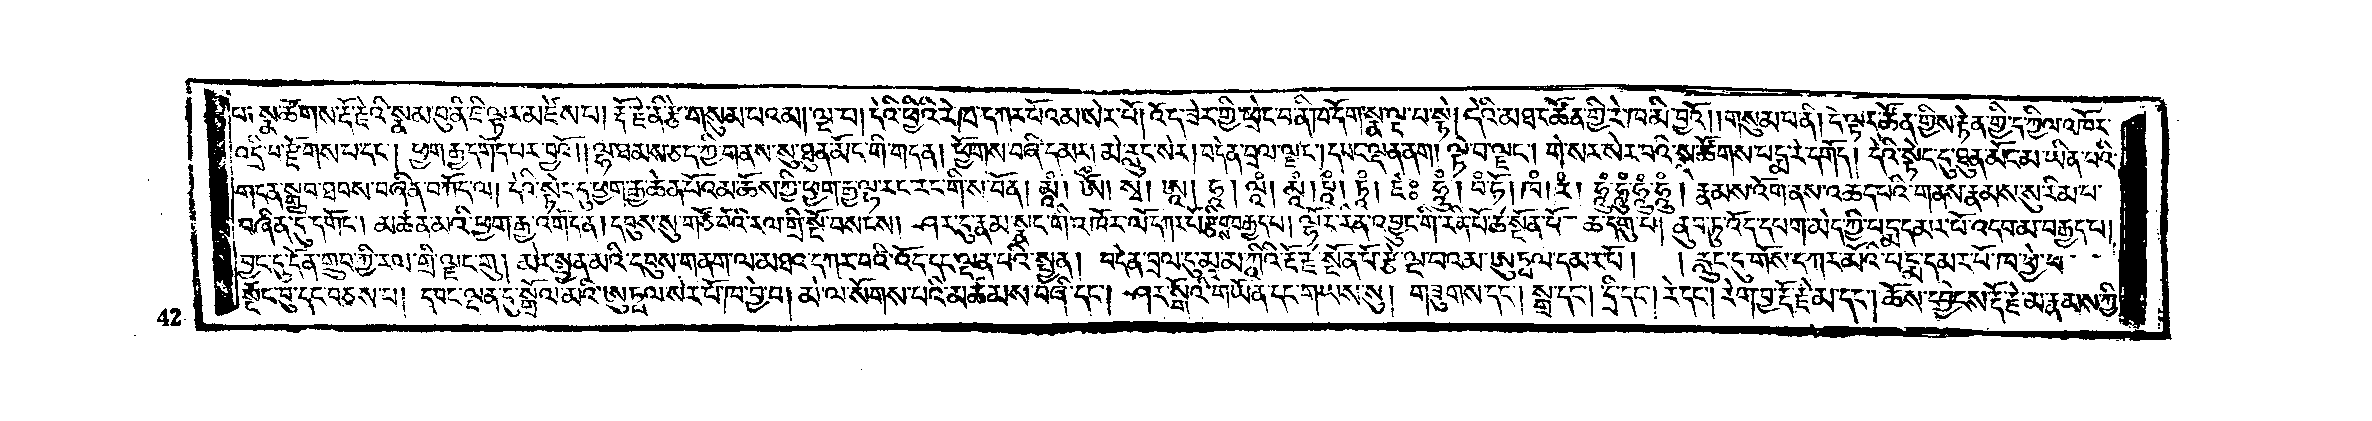པ། སྣ་ཚོགས་རྡོ་རྗེའི་སྣམ་བུ་ནི་ཇི་ལྟར་མཛེས་པ། རྡོ་རྗེ་ནི་རྩེ་གསུམ་པའམ། ལྔ་པ། དེའི་ཕྱིའི་རེ་ཁ་དཀར་པོའམ་སེར་པོ། འོད་ཟེར་གྱི་ཕྲེང་བ་ནི་ཁ་དོག་སྣ་ལྔ་པ་སྟེ། དེའི་མཐར་ཚོན་གྱི་རེ་ཁ་མི་བྱའོ། །གསུམ་པ་ནི། དེ་ལྟར་ཚོན་གྱིས་རྟེན་གྱི་དཀྱིལ་འཁོར་
འདྲི་པ་རྫོགས་པ་དང་། ཕྱག་རྒྱ་དགོད་པར་བྱའོ། །ལྷ་ཐམས་ཅད་ཀྱི་གནས་སུ་ཐུན་མོང་གི་གདན། ཕྱོགས་བཞི་དམར། མེ་རླུང་སེར། བདེན་བྲལ་ལྗང་། དཔང་ལྡན་ནག །ལྟེ་བ་ལྗང་། གེ་སར་སེར་བའི་སྣ་ཚོགས་པདམ་རེ་དགོད། དེའི་སྟེང་དུ་ཐུན་མོང་མ་ཡིན་པའི་
གདན་སྒྲུབ་ཐབས་བཞིན་བཀོད་ལ། དེའི་སྟེང་དུ་ཕྱག་རྒྱ་ཆེན་པོའམ་ཆོས་ཀྱི་ཕྱག་རྒྱ་ལྷ་རང་རང་གི་ས་བོན། མཱཾ། ཨོཾ། སྭ། ཨཱ། ཧཱ། ལཱཾ། མཱཾ། པཱཾ། ཏཱཾ། ཛཿ ཧཱུཾ། བཾ་ཧོ། ཁཾ། རཾ། ཧཱུཾ་ཧཱུཾ་ཧཱུཾ་ཧཱུཾ། རྣམས་འོག་ནས་འཆད་པའི་གནས་རྣམས་སུ་རིམ་པ་
བཞིན་དུ་དགོང་། མཚན་མའི་ཕྱག་རྒྱ་འགོད་ན། དབུས་སུ་གཙོ་བོའི་རལ་གྲི་སྔོ་བསངས། ཤར་དུ་རྣམ་སྣང་གི་འཁོར་ལོ་དཀར་པོ་རྩིབས་བརྒྱད་པ། ལྷོར་རིན་འབྱུང་གི་རིན་པོ་ཆེ་སྔོན་པོ་ཆ་དགུ་པ། ནུབ་ཏུ་འོད་དཔག་མེད་ཀྱི་པདམ་དམར་པོ་འདབ་མ་བརྒྱད་པ།
བྱང་དུ་དོན་གྲུབ་ཀྱི་རལ་གྲི་ལྗང་གུ། མེར་སྤྱན་མའི་དབུས་གནག་ལ་མཐའ་དཀར་བའི་འོད་དང་ལྡན་པའི་སྤྱན། བདེན་བྲལ་དུ་མཱ་མ་ཀཱིའི་རྡོ་རྗེ་སྔོན་པོ་རྩེ་ལྔ་བའམ་ཨུཏཔལ?་དམར་པོ། །རླུང་དུ་གོས་དཀར་མོའི་པདམ་དམར་པོ་ཁ་ཕྱེ་བ་
སྔོང་བུ་དང་བཅས་པ། དབང་ལྔན་དུ་སྒྲོལ་མའི་ཨུཏཔལ་སེར་པོ་ཁ་བྱེ་བ། མེ་ལ་སོགས་པའི་མཚམས་བཞི་དང་། ཤར་སྒོའི་གཡོན་དང་གཡས་སུ། གཟུགས་དང་། སྒྲ་དང་། དྲི་དང་། རེ་དང་། རེག་བྱ་རྡོ་རྗེ་མ་དང་། ཆོས་དབྱིངས་རྡོ་རྗེ་མ་རྣམས་ཀྱི་